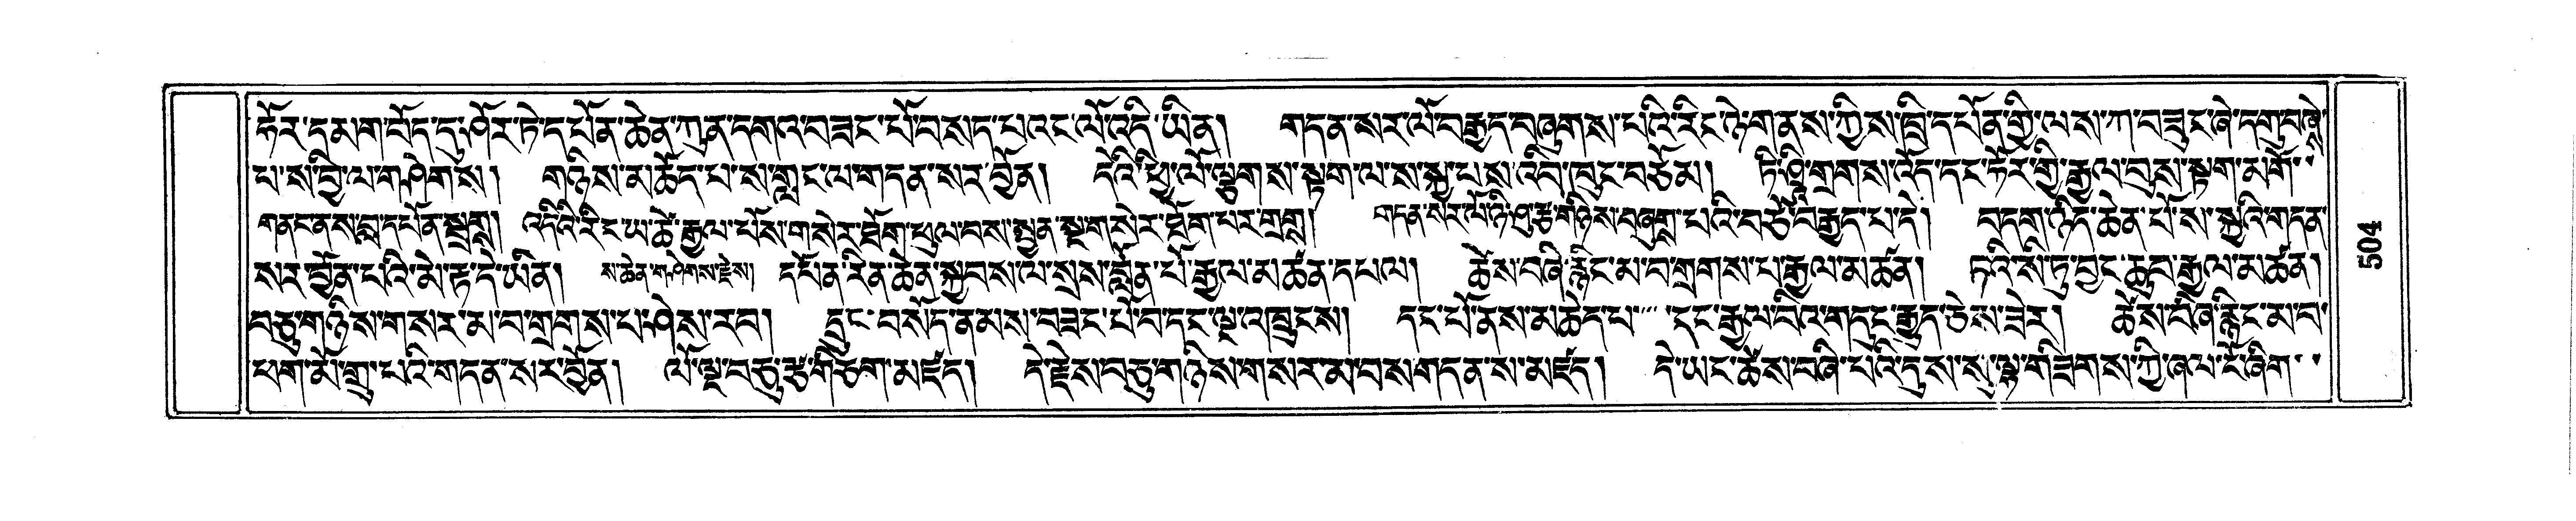ཧོར་དམག་བོད་དུ་ཤོར་ཏེ་དཔོན་ཆེན་ཀུན་དགའ་བཟང་པོ་བསད་པའང་ལོ་འདི་ཡིན། གདན་སར་ལོ་བརྒྱད་བཞུགས་པའི་རིང་ཉེ་གནས་ཀྱིས་ཁྲི་དཔོན་གྱི་ལས་ཀ་བཟུང་ཞེ་དགུ་བཞེས་
པ་ས་བྱི་ལ་གཤེགས། གཉིས་མཆོད་པ་ས་གླང་ལ་གདན་སར་བྱོན། དེའི་ཕྱི་ལོ་ལྕགས་སྟག་ལ་ས་སྐྱ་པས་འབི་ཁུང་བཅོམ། ཏི་ཤྲཱི་གྲགས་འོད་དང་ཧོར་གྱི་རྒྱལ་བུས་སྟག་མགོ་
གནང་ནས་བླ་དཔོན་སྦྲགས། འདིའི་རིང་ཡ་ཚེ་རྒྱལ་པོས་གསེར་ཐོག་ཕུལ་བས་སྤྱན་སྔ་གསེར་ཐོག་པར་གྲགས། གདན་སར་ལོ་ཉི་ཤུ་རྩ་གཉིས་བཞུགས་པའི་བཅོ་བརྒྱད་པ་དེ། བདག་ཉིད་ཆེན་པོ་ས་སྐྱའི་གདན་
སར་བྱོན་པའི་མེ་རྟ་དེ་ཡིན། ས་ཆེན་གཤེགས་རྗེས། དཔོན་རིན་ཆེན་སྐྱབས་ལ་སྲས་བློན་པོ་རྒྱལ་མཚན་དཔལ། ཚེས་བཞི་རྙིང་མ་བ་གྲགས་པ་རྒྱལ་མཚན། ཏའི་སི་ཏུ་བྱང་ཆུབ་རྒྱལ་མཚན།
བཅུ་གཉིས་གསར་མ་བ་གྲགས་པ་ཤེས་རབ། དྲུང་བསོད་ནམས་བཟང་པོ་བ་དང་ལྔ་འཁྲུངས། དང་པོ་ནས་མཆེད་པ་དང་རྒྱལ་བའི་གདུང་རྒྱུད་ཅེས་ཟེར། ཚེས་བཞི་རྙིང་མ་བ་
ཕག་མོ་གྲུ་པའི་གདན་སར་བྱོན། ལོ་ལྔ་བཅུ་རྩ་གཅིག་མཛད། དེ་རྗེས་བཅུ་གཉིས་གསར་མ་བས་གདན་ས་མཛད། དེ་ཡང་ཚེས་བཞི་པའི་དུས་སུ་ལྷ་གཟིགས་ཀྱི་ཞལ་ངོ་ཞིག་